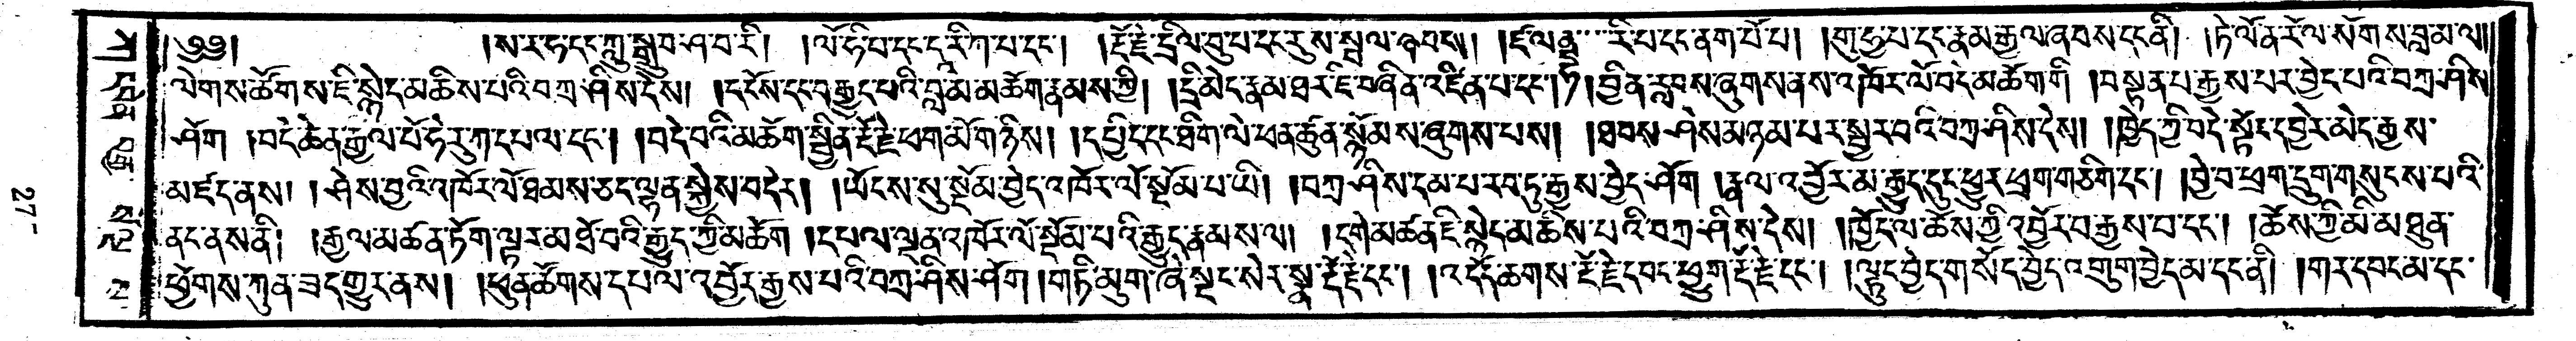༄༅། །ས་ར་ཧ་དང་ཀླུ་སྒྲུབ་ཤ་བ་རི། །ལོ་ཧི་པ་དང་དཱ་རི་ཀ་པ་དང་། །རྡོ་རྗེ་དྲིལ་བུ་པ་དང་རུས་སྦལ་ཞབས། །ཛ་ལནྡྷ་རི་པ་དང་ནག་པོ་པ། །གུ་ཧྱ་པ་དང་རྣམ་རྒྱལ་ཞབས་དང་ནི། །ཏེ་ལོ་ན་རོ་ལ་སོགས་བླ་མ་ལ།
ལེགས་ཚོགས་ཇི་སྙེད་མཆིས་པའི་བཀྲ་ཤིས་དེས། །དངོས་དང་བརྒྱུད་པའི་བླ་མ་མཆོག་རྣམས་ཀྱི། །དྲི་མེད་རྣམ་ཐར་ཇི་བཞིན་འཛིན་པ་དང་། །བྱིན་རླབས་ཞུགས་ནས་འཁོར་ལོ་བདེ་མཆོག་གི །བསྟན་པ་རྒྱས་པར་བྱེད་པའི་བཀྲ་ཤིས་
ཤོག །བདེ་ཆེན་རྒྱལ་པོ་ཧེ་རུ་ཀ་དཔལ་དང་། །བདེ་བའི་མཆོག་སྦྱིན་རྡོ་རྗེ་ཕག་མོ་གཉིས། །དཔྱིད་དང་ཐིག་ལེ་ཕན་ཚུན་སྙོམས་ཞུགས་པས། །ཐབས་ཤེས་མཉམ་པར་སྦྱར་བའི་བཀྲ་ཤིས་དེས། །ཁྱེད་ཀྱི་བདེ་སྟོང་དབྱེར་མེད་རྒྱས་
མཛད་ནས། །ཤེས་བྱའི་འཁོར་ལོ་ཐམས་ཅད་ལྷན་སྐྱེས་བདེར། །ཡོངས་སུ་སྡོམ་བྱེད་འཁོར་ལོ་སྡོམ་པ་ཡི། །བཀྲ་ཤིས་དམ་པ་རབ་ཏུ་རྒྱས་བྱེད་ཤོག །རྣལ་འབྱོར་མ་རྒྱུད་དུང་ཕྱུར་ཕྲག་གཅིག་དང་། །བྱེ་བ་ཕྲག་དྲུག་གསུངས་པའི་
ནང་ནས་ནི། །རྒྱལ་མཚན་ཏོག་ལྟར་མཐོ་བའི་རྒྱུད་ཀྱི་མཆོག །དཔལ་ལྡན་འཁོར་ལོ་སྡོམ་པའི་རྒྱུད་རྣམས་ལ། །དགེ་མཚན་ཇི་སྙེད་མཆིས་པའི་བཀྲ་ཤིས་དེས། །ཁྱོད་ལ་ཆོས་ཀྱི་འབྱོར་བ་རྒྱས་པ་དང་། །ཆོས་ཀྱི་མི་མཐུན་
ཕྱོགས་ཀུན་ཟད་གྱུར་ནས། །ཕུན་ཚོགས་དཔལ་འབྱོར་རྒྱས་པའི་བཀྲ་ཤིས་ཤོག །གཏི་མུག་ཞེ་སྡང་སེར་སྣ་རྡོ་རྗེ་དང་། །འདོད་ཆགས་རྡོ་རྗེ་དབང་ཕྱུག་རྡོ་རྗེ་དང་། །ལྟུང་བྱེད་གསོད་བྱེད་འགུག་བྱེད་མ་དང་ནི། །གར་དབང་མ་དང་